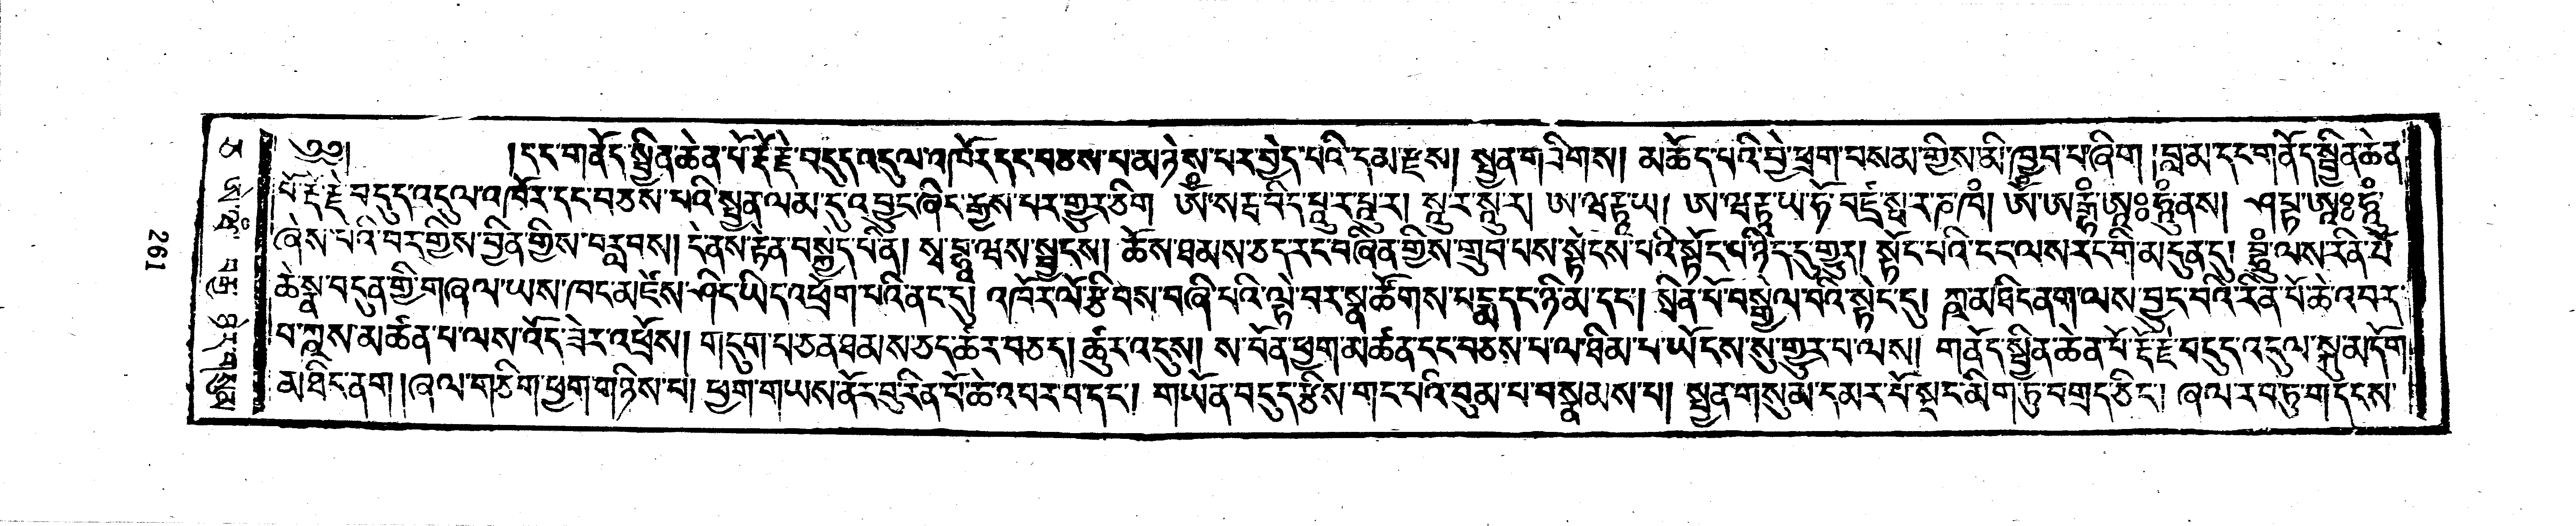༄༅། །དང་གནོད་སྦྱིན་ཆེན་པོ་རྡོ་རྗེ་བདུད་འདུལ་འཁོར་དང་བཅས་པ་མཉེས་པར་བྱེད་པའི་དམ་རྫས། སྤྱན་གཟིགས། མཆོད་པའི་བྱེ་བྲག་བསམ་གྱིས་མི་ཁྱབ་པ་ཞིག །བླ་མ་དང་གནོད་སྦྱིན་ཆེན་
པོ་རྡོ་རྗེ་བདུད་འདུལ་འཁོར་དང་བཅས་པའི་སྤྱན་ལམ་དུ་འབྱུང་ཞིང་རྒྱས་པར་གྱུར་ཅིག་ཨོཾ་སརྦ་བིད་པཱུ་ར་པཱུ་ར། སཱུ་ར་སཱུ་ར། ཨ་ཝརྟཱ་ཡ། ཨ་ཝརྟཱ་ཡ་ཧོ་བཛྲ་སྥ་ར་ཎ་ཁཾ། ཨོཾ་ཨརྒྷཾ་ཨཱཿ ཧཱུཾ་ནས། ཤཔྟ་ཨཱཿ ཧཱུཾ་
ཞེས་པའི་བར་གྱིས་བྱིན་གྱིས་བརླབས། དེ་ནས་རྟེན་བསྐྱེད་པ་ནི། སྭ་བྷཱ་ཝས་སྦྱངས། ཆོས་ཐམས་ཅད་རང་བཞིན་གྱིས་གྲུབ་པས་སྟོངས་པའི་སྟོང་པ་ཉིད་དུ་གྱུར། སྟོང་པའི་ངང་ལས་རང་གི་མདུན་དུ། བྷྲུཾ་ལས་རིན་པོ་
ཆེ་སྣ་བདུན་གྱི་གཞལ་ཡས་ཁང་མཛེས་ཤིང་ཡིད་འཕྲོག་པའི་ནང་དུ། འཁོར་ལོ་རྩིབས་བཞི་པའི་ལྟེ་བར་སྣ་ཚོགས་པདམ་དང་ཉི་མ་དང་། སྲིན་པོ་བསྒྱེལ་བའི་སྟེང་དུ། ཀྵ་མཐིང་ནག་ལས་བྱུང་བའི་རིན་པོ་ཆེ་འབར་
བ་ཀྵས་མཚན་པ་ལས་འོད་ཟེར་འཕྲོས། གདུག་པ་ཅན་ཐམས་ཅད་ཚར་བཅད། ཚུར་འདུས། ས་བོན་ཕྱག་མཚན་དང་བཅས་པ་ལ་ཐིམ་པ་ཡོངས་སུ་གྱུར་པ་ལས། གནོད་སྦྱིན་ཆེན་པོ་རྡོ་རྗེ་བདུད་འདུལ་སྐུ་མདོག་
མཐིང་ནག །ཞལ་གཅིག་ཕྱག་གཉིས་པ། ཕྱག་གཡས་ནོར་བུ་རིན་པོ་ཆེ་འབར་བ་དང་། གཡོན་བདུད་རྩིས་གང་བའི་བུམ་པ་བསྣམས་པ། སྤྱན་གསུམ་དམར་པོ་སྡང་མིག་ཏུ་བགྲད་ཅིང་། ཞལ་རབ་ཏུ་གདངས་